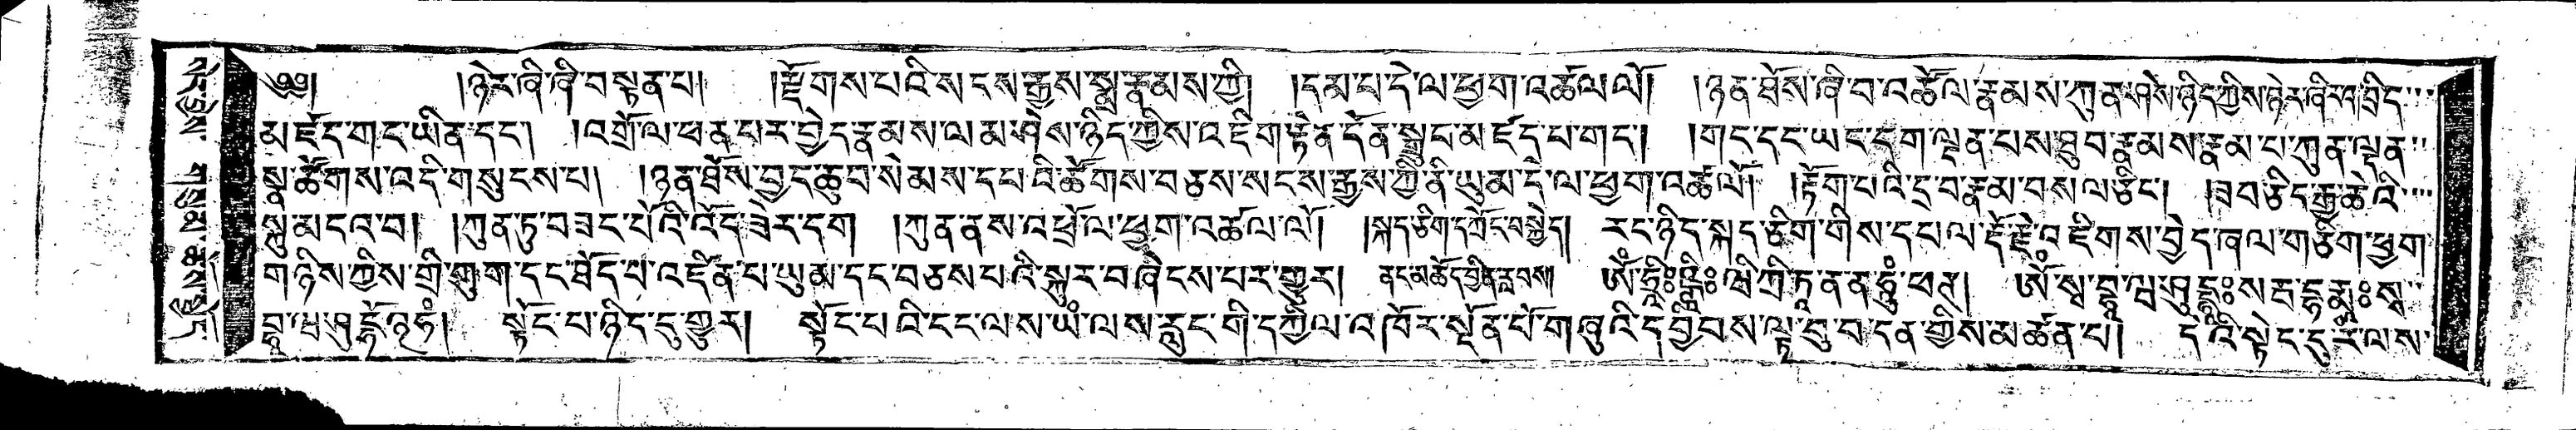༄༅། །ཉེར་ཞི་ཞི་བསྟན་པ། །རྫོགས་པའི་སངས་རྒྱས་སྨྲ་རྣམས་ཀྱི། །དམ་པ་དེ་ལ་ཕྱག་འཚལ་ལོ། །ཉན་ཐོས་ཞི་བ་འཚོལ་རྣམས་ཀུན་ཤེས་ཉིད་ཀྱིས་ཉེར་ཞིར་འཁྲིད་
མཛད་གང་ཡིན་དང་། །འགྲོ་ལ་ཕན་པར་བྱེད་རྣམས་ལམ་ཤེས་ཉིད་ཀྱིས་འཇིག་རྟེན་དོན་སྒྲུབ་མཛད་པ་གང་། །གང་དང་ཡང་དག་ལྡན་པས་ཐུབ་རྣམས་རྣམ་པ་ཀུན་ལྡན་
སྣ་ཚོགས་འདི་གསུངས་པ། །ཉན་ཐོས་བྱང་ཆུབ་སེམས་དཔའི་ཚོགས་བཅས་སངས་རྒྱས་ཀྱི་ནི་ཡུམ་དེ་ལ་ཕྱག་འཚལ་ལོ། །རྟོག་པའི་དྲ་བ་རྣམ་བསལ་ཅིང་། །ཟབ་ཅིང་རྒྱ་ཆེའི་
སྐུ་མངའ་བ། །ཀུན་ཏུ་བཟང་པོའི་འོད་ཟེར་དག །ཀུན་ནས་འཕྲོ་ལ་ཕྱག་འཚལ་ལོ། །སྐད་ཅིག་དཀྲོང་བསྐྱེད། རང་ཉིད་སྐད་ཅིག་གིས་དཔལ་རྡོ་རྗེ་འཇིགས་བྱེད་ཞལ་གཅིག་ཕྱག་
གཉིས་ཀྱིས་གྲི་གུག་དང་ཐོད་པ་འཛིན་པ་ཡུམ་དང་བཅས་པའི་སྐུར་བཞེངས་པར་གྱུར། ནང་མཆོད་བྱིན་རླབས། ཨོཾ་ཧྲཱིཿ ཥྲྚིཿ ཝི་ཀྲི་ཏཱ་ན་ན་ཧཱུཾ་ཕཌ། ཨོཾ་སྭ་བྷཱ་ཝ་ཤུདྡྷཱཿ སརྦ་དྷ་རྨཱཿ སྭ་
བྷཱ་ཝ་ཤུ་དྷོ་ཉ་ཧཾ། སྟོང་པ་ཉིད་དུ་གྱུར། སྟོང་པའི་ངང་ལས་ཡཾ་ལས་རླུང་གི་དཀྱིལ་འཁོར་སྔོན་པོ་གཞུའི་དབྱིབས་ལྟ་བུ་བ་དན་གྱིས་མཚན་པ། དེའི་སྟེང་དུ་རཾ་ལས་